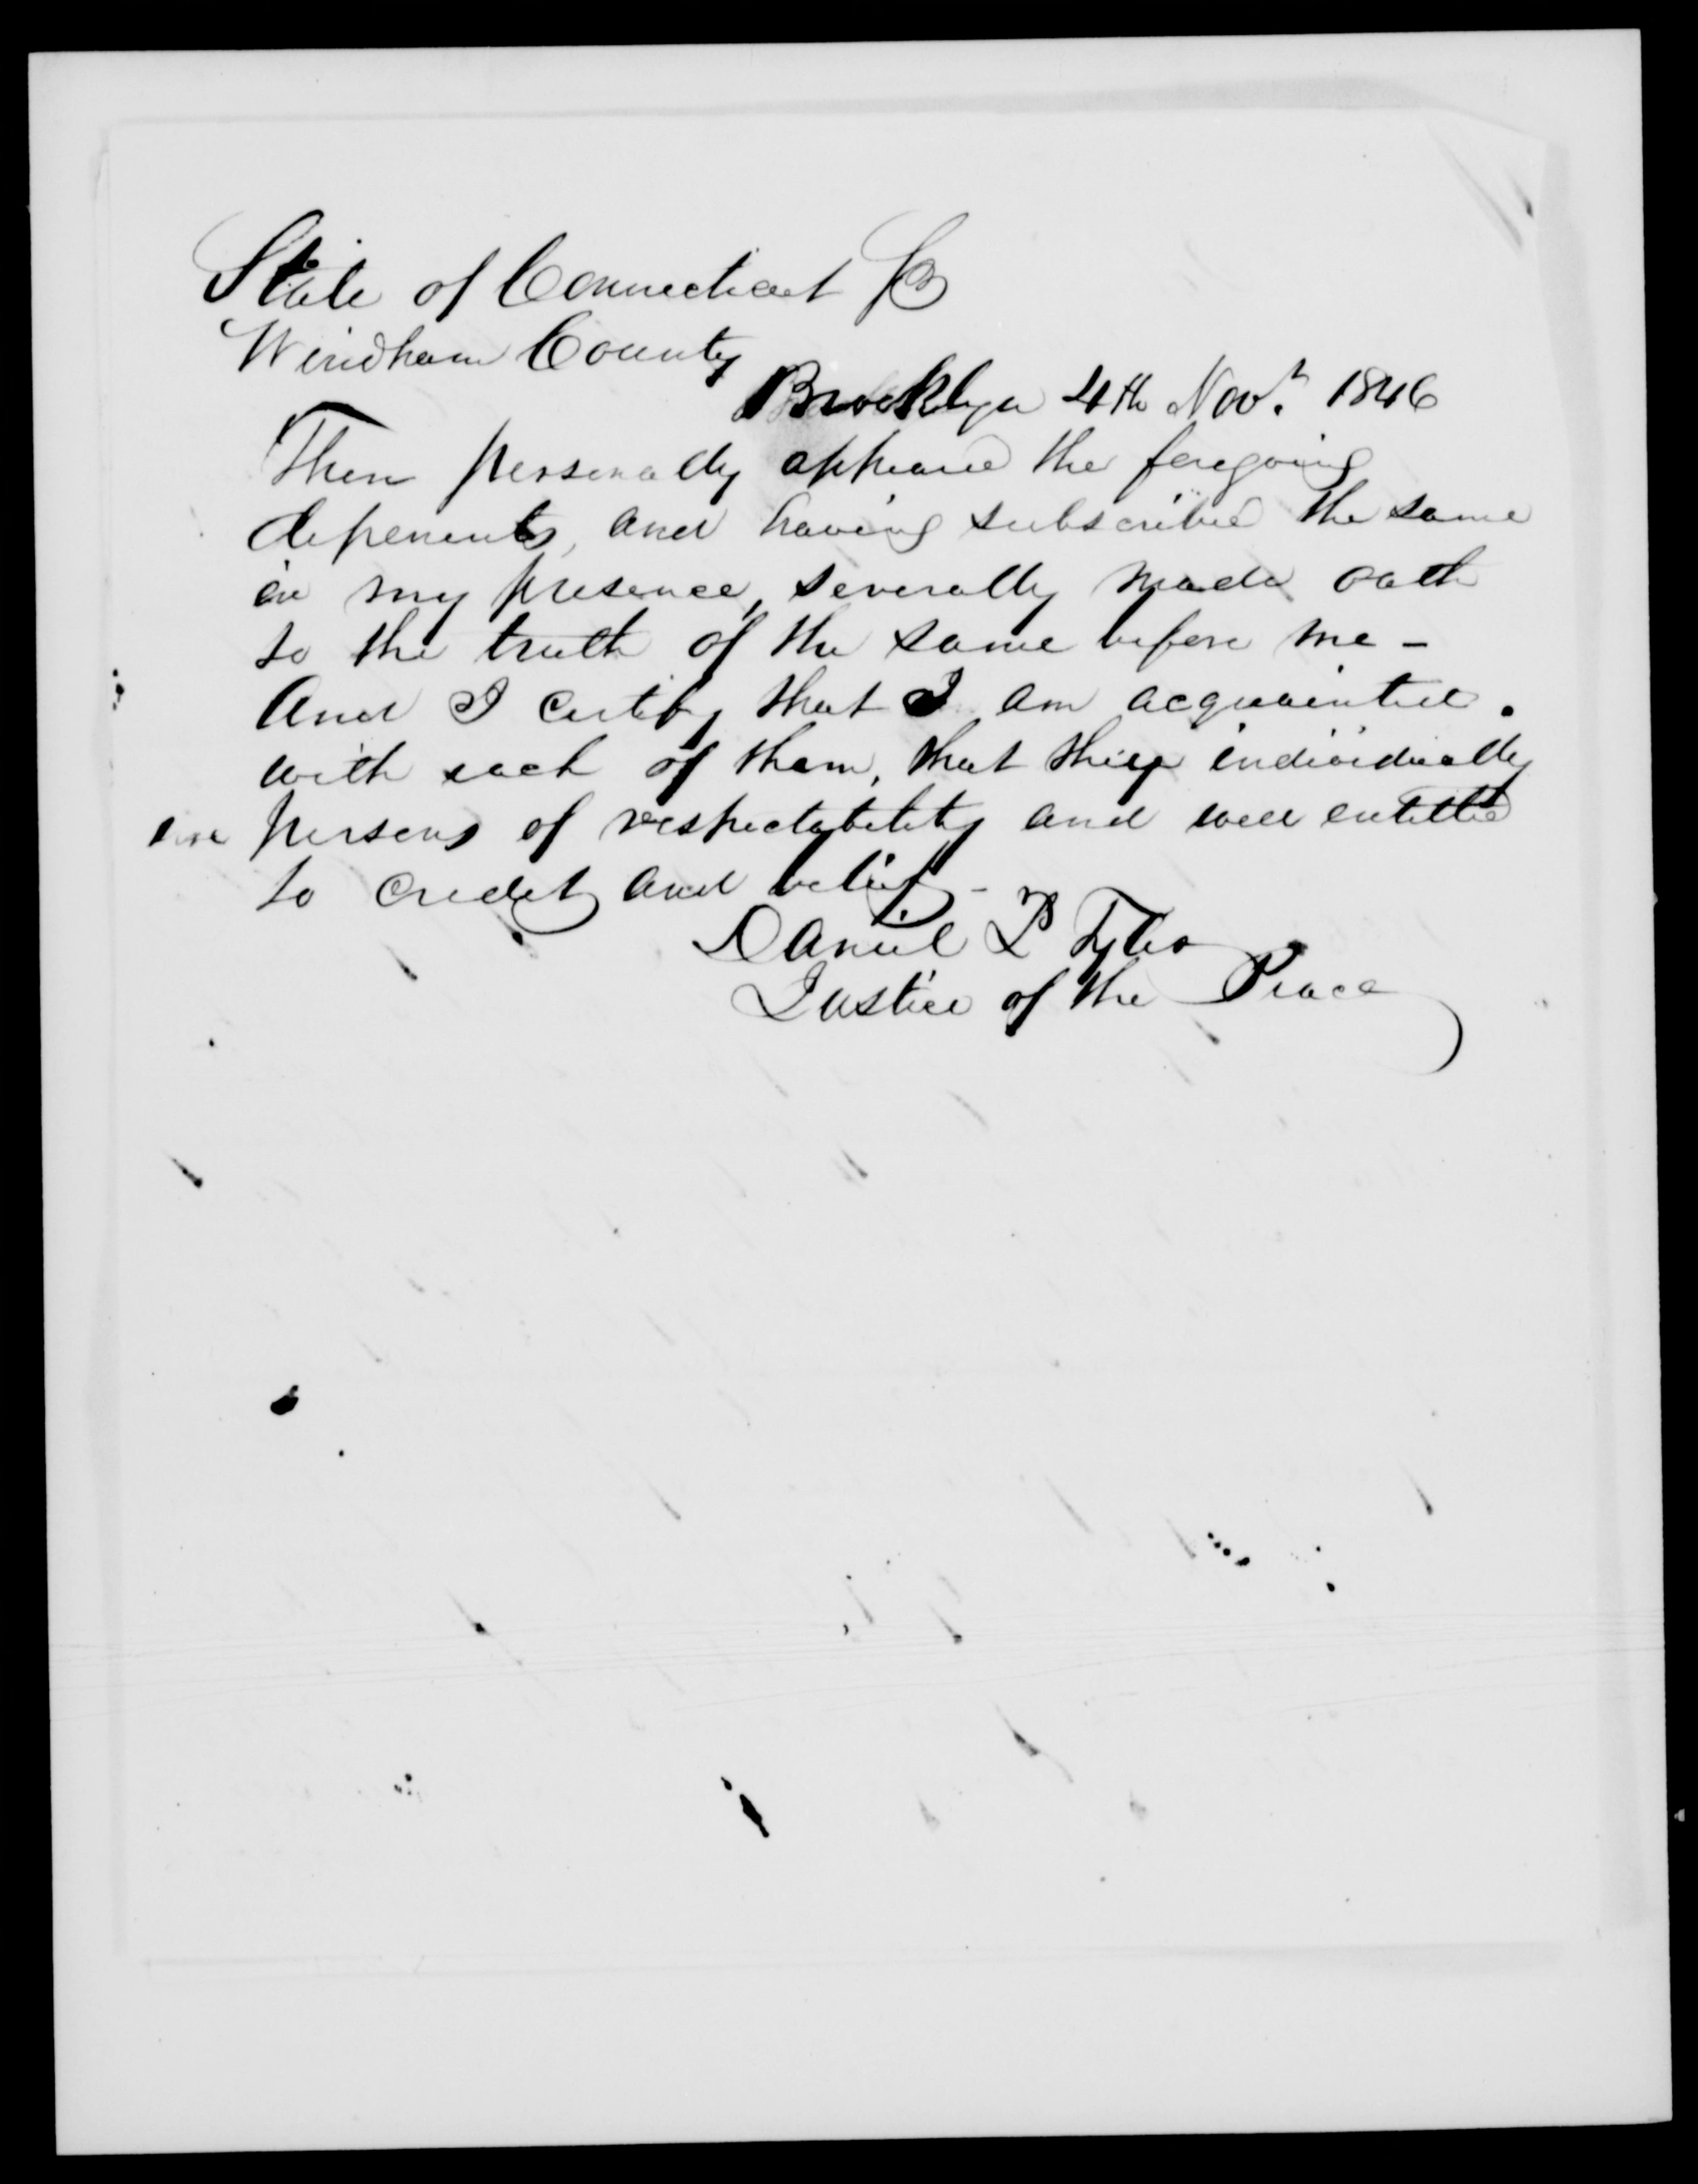State of Connecticut __
Windham County

Brooklyn 4th Nov. 1846 

Then personally appeared the foregoing depenents [?dependents], and having subscribed the same in my presence, severally made oath to the truth of the same before me- and  I certify of that I am acquainted with each of them, that ____ individually persons of respectability and well entitled to credit and belief.

Daniel P Tyler
Justice of the Peace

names: Daniel P Tyler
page: 7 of 53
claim: widow's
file: W 17707, Benjamin Weaver, R.I.